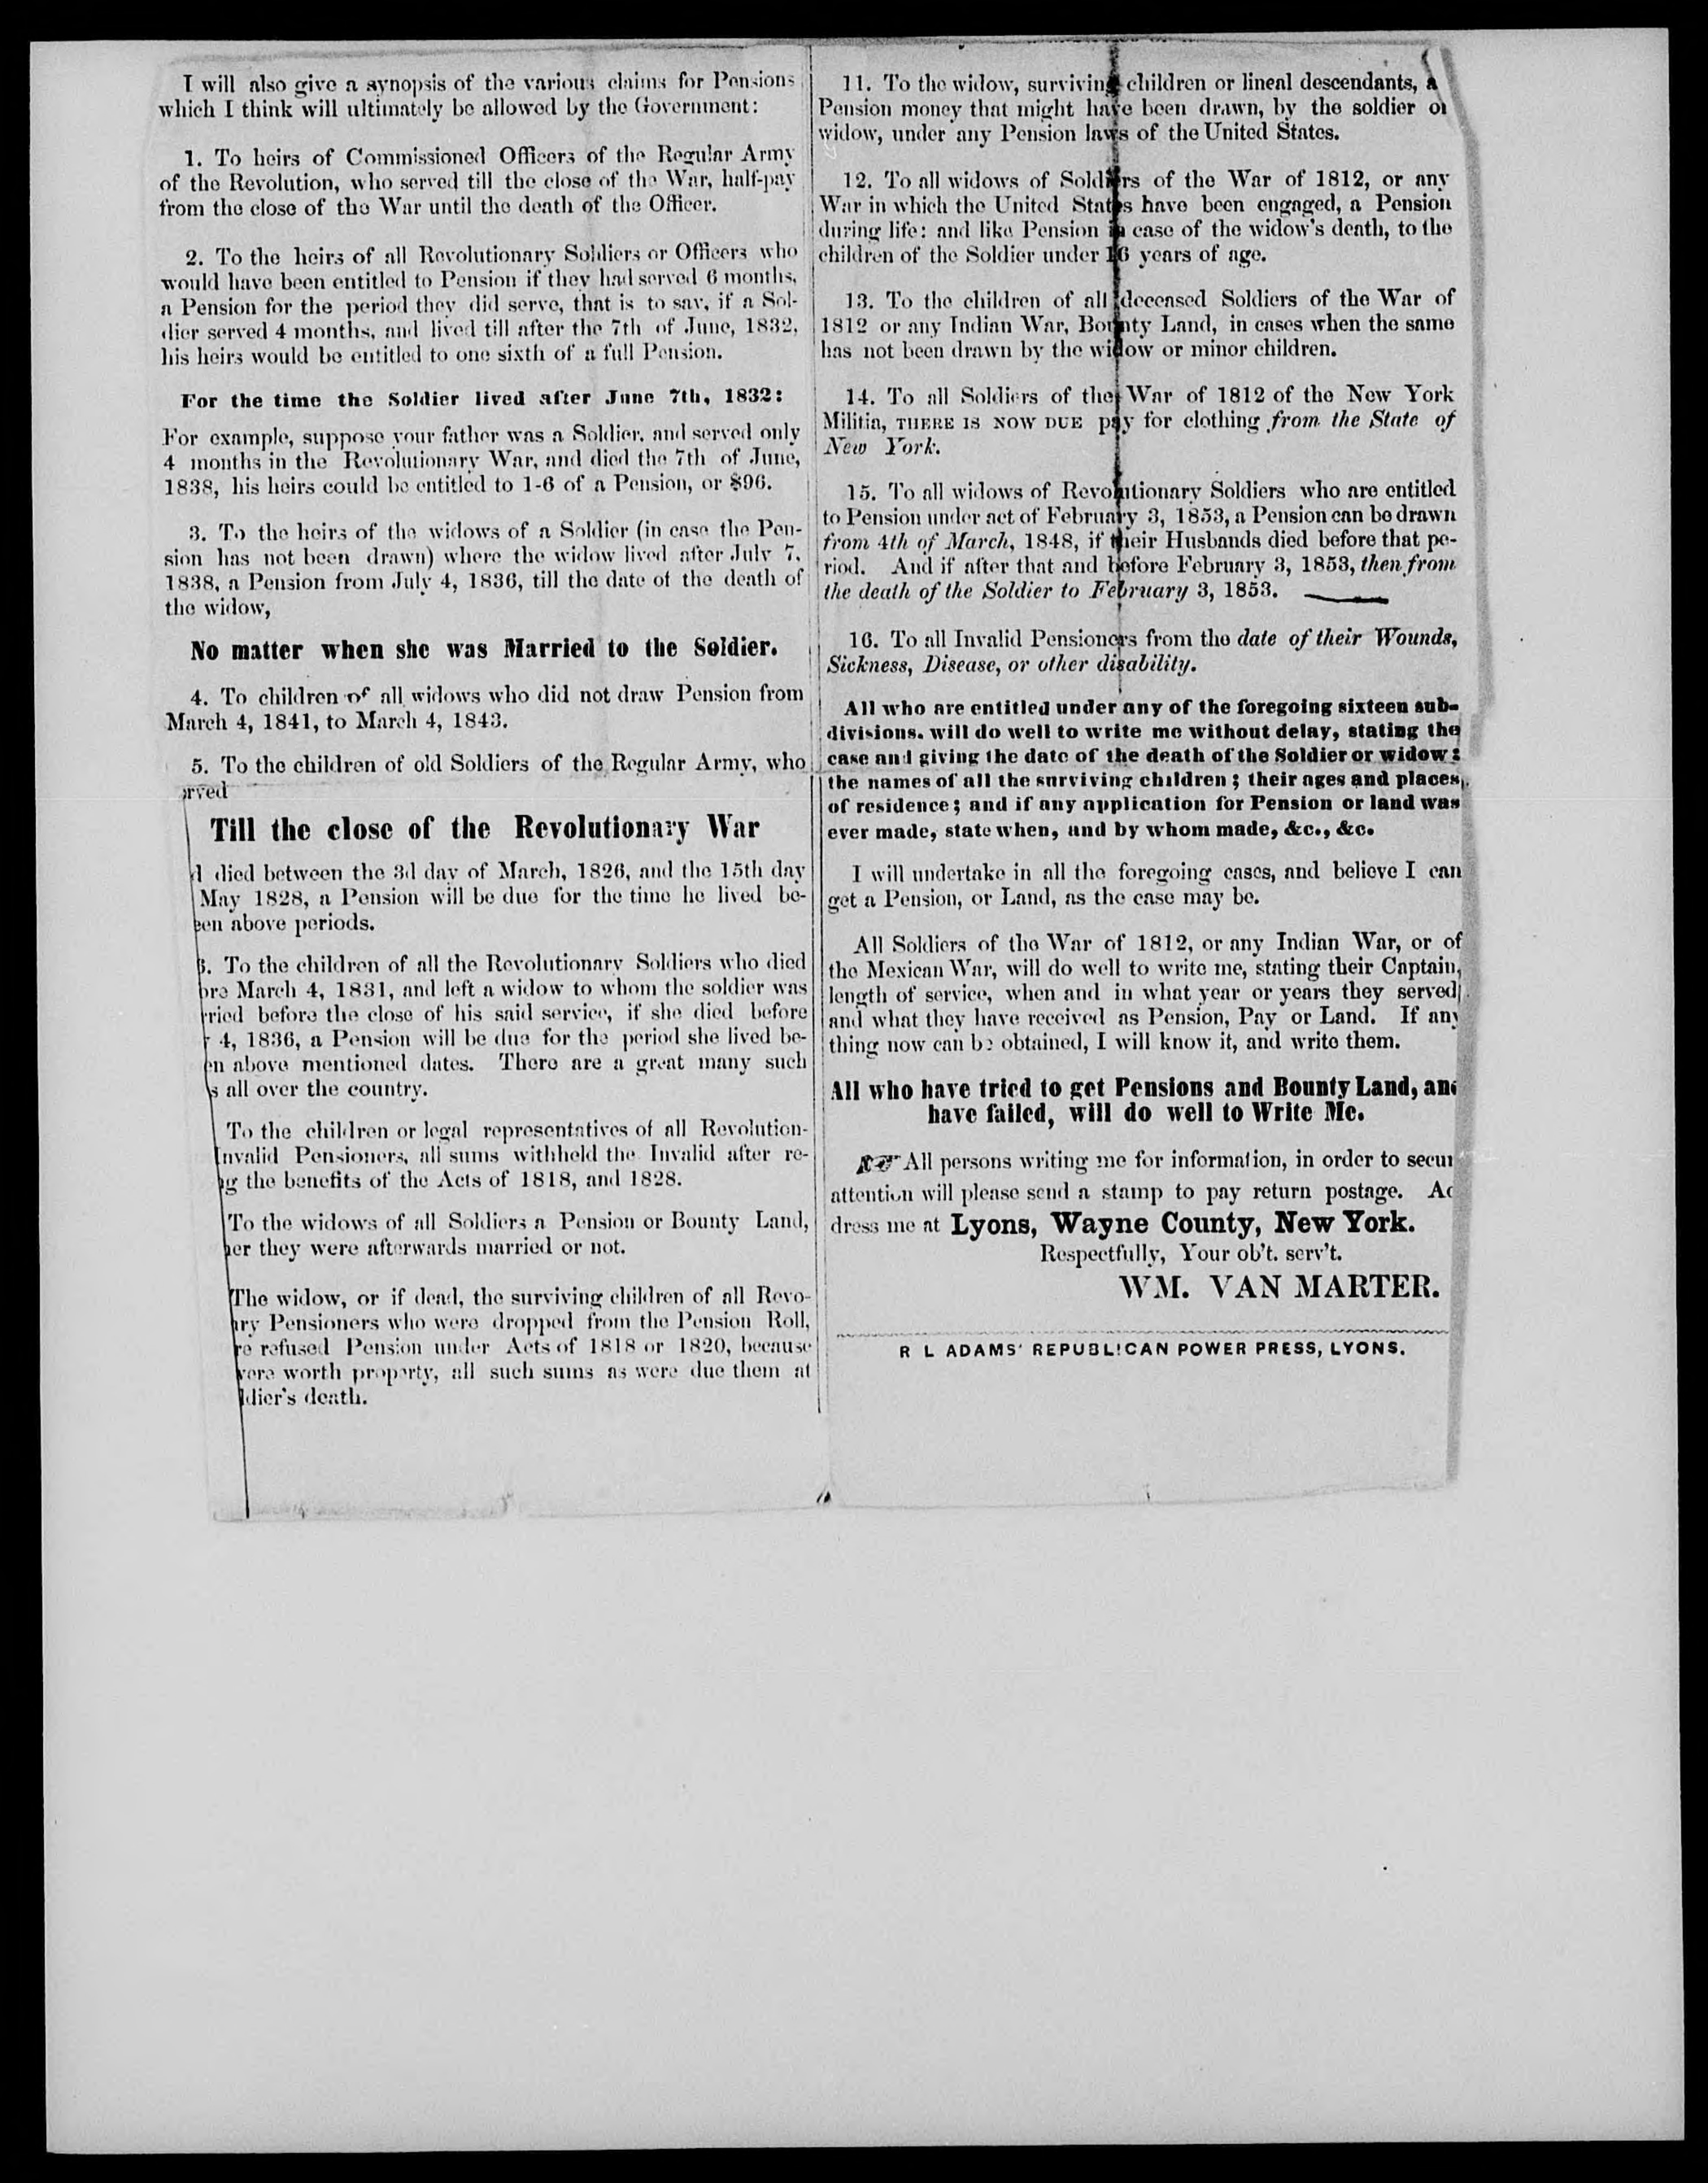I will also give a synopsis of the various claims for Pensions which I think will ultimately be allowed by the Government: 
1. To heirs of Commissioned Officers of the Regular Army of the Revolution, who served till the close of the War, half-pay from the close of the War until the death of the Officer. 
2. To the heirs of all Revolutionary Soldiers or Officers who would have been entitled to Pension if they had served 6 months, a Pension for the period they did serve, that is to say, if a Soldier served 4 months, and lived till after the 7th of June, 1832, his heirs would be entitled to one sixth of a full Pension. 
For the time the Soldier lived after June 7th, 1832: 
For example, suppose your father was a Soldier, and served only 4 months in the Revolutionary War, and died the 7th of June, 1838, his heirs could be entitled to 1-6 of a Pension, or $96. 
3. To the heirs of the widows of a Soldier (in case the Pension has not been drawn) where the widow lived after July 7, 1838, a Pension from July 4, 1836, till the date of the death of the widow, 
No matter when she was married to the Soldier. 
4. To children of all widows who did not draw Pension from March 4, 1841, to March 4, 1843. 
5. To the children of old Soldiers of the Regular Army, who served 
Till the close of the Revolutionary War 
And died between the 3d day of March, 1826, and the 15th day of May 1828, a Pension will be due for the time he lived between above periods. 
6. To the children of all the Revolutionary Soldiers who died before March 4, 1831, and left a widow to whom the soldier was married before the close of his said service, if she died before July 4, 1836, a Pension will be due for the period she lived between above mentioned dates. There are a great many such widows all over the country. 
7. To the children or legal representatives of all Revolutionary Invalid Pensioners, all sums withheld the Invalid after re ing the benefits of the Acts of 1818, and 1828. 
8. To the widows of all Soldiers a Pension or Bounty Land, whether they were afterwards married or not. 
9. The widow, or if dead, the surviving children of all Revolutionary Pensioners who were dropped from the Pension Roll, or were refused Pension under Acts of 1818 or 1820, because they were worth property, all such sums as were due them at Soldier's death. 
11. To the widow, surviving children or lineal descendants, a Pension money that might have been drawn, by the soldier or widow, under any Pension laws of the United States. 
12. To all widows of Soldiers of the War of 1812, or any War in which the United States have been engaged, a Pension during life; and like Pension in case of the widow's death, to the children of the Soldier under 16 years of age. 
13. To the children of all deceased Soldiers of the War of 1812 or any Indian War, Bounty Land, in cases when the same has not been drawn by the widow or minor children. 
14. To all Soldiers of the War of 1812 of the New York Militia, THERE IS NOW DUE pay for clothing from the State of New York. 
15. To all widows of Revolutionary Soldiers who are entitled to Pension under act of February 3, 1853, a Pension can be drawn from 4th of March, 1848, if their Husbands died before that period . And if after that and before February 3, 1853, then from the death of the Soldier to February 3, 1853. 
16. To all Invalid Pensioners from the date of their Wounds, Sickness, Disease, or other disability. 
All who are entitled under any of the foregoing sixteen subdivisions , will do well to write me without delay, stating the case and giving the date of the death of the Soldier or widow: the names of all the surviving children; their ages and places of residence; and if any application for Pension or land was ever made, state when, and by whom made, &c., &c. 
I will undertake in all the foregoing cases, and believe I can get a Pension, or Land, as the case may be. 
All Soldiers of the War of 1812, or any Indian War, or of the Mexican War, will do well to write me, stating their Captain, length of service, when and in what year or years they served and what they have received as Pension, Pay or Land. If anything now can be obtained, I will know it, and write them. 
All who have tried to get Pensions and Bounty Land, and have failed, will do well to Write Me. 
All persons writing me for information, in order to secure attention will please send a stamp to pay return postage. Address me at Lyons, Wayne County, New York. 
Respectfully, your ob't serv't. 
WM. VAN MARTER. 
R L ADAMS’ REPUBLICAN POWER PRESS, LYONS.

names: Wm Van Marter; R L Adams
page: 23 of 44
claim: rejected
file: R. 17,033, for Joseph Perkins, New York